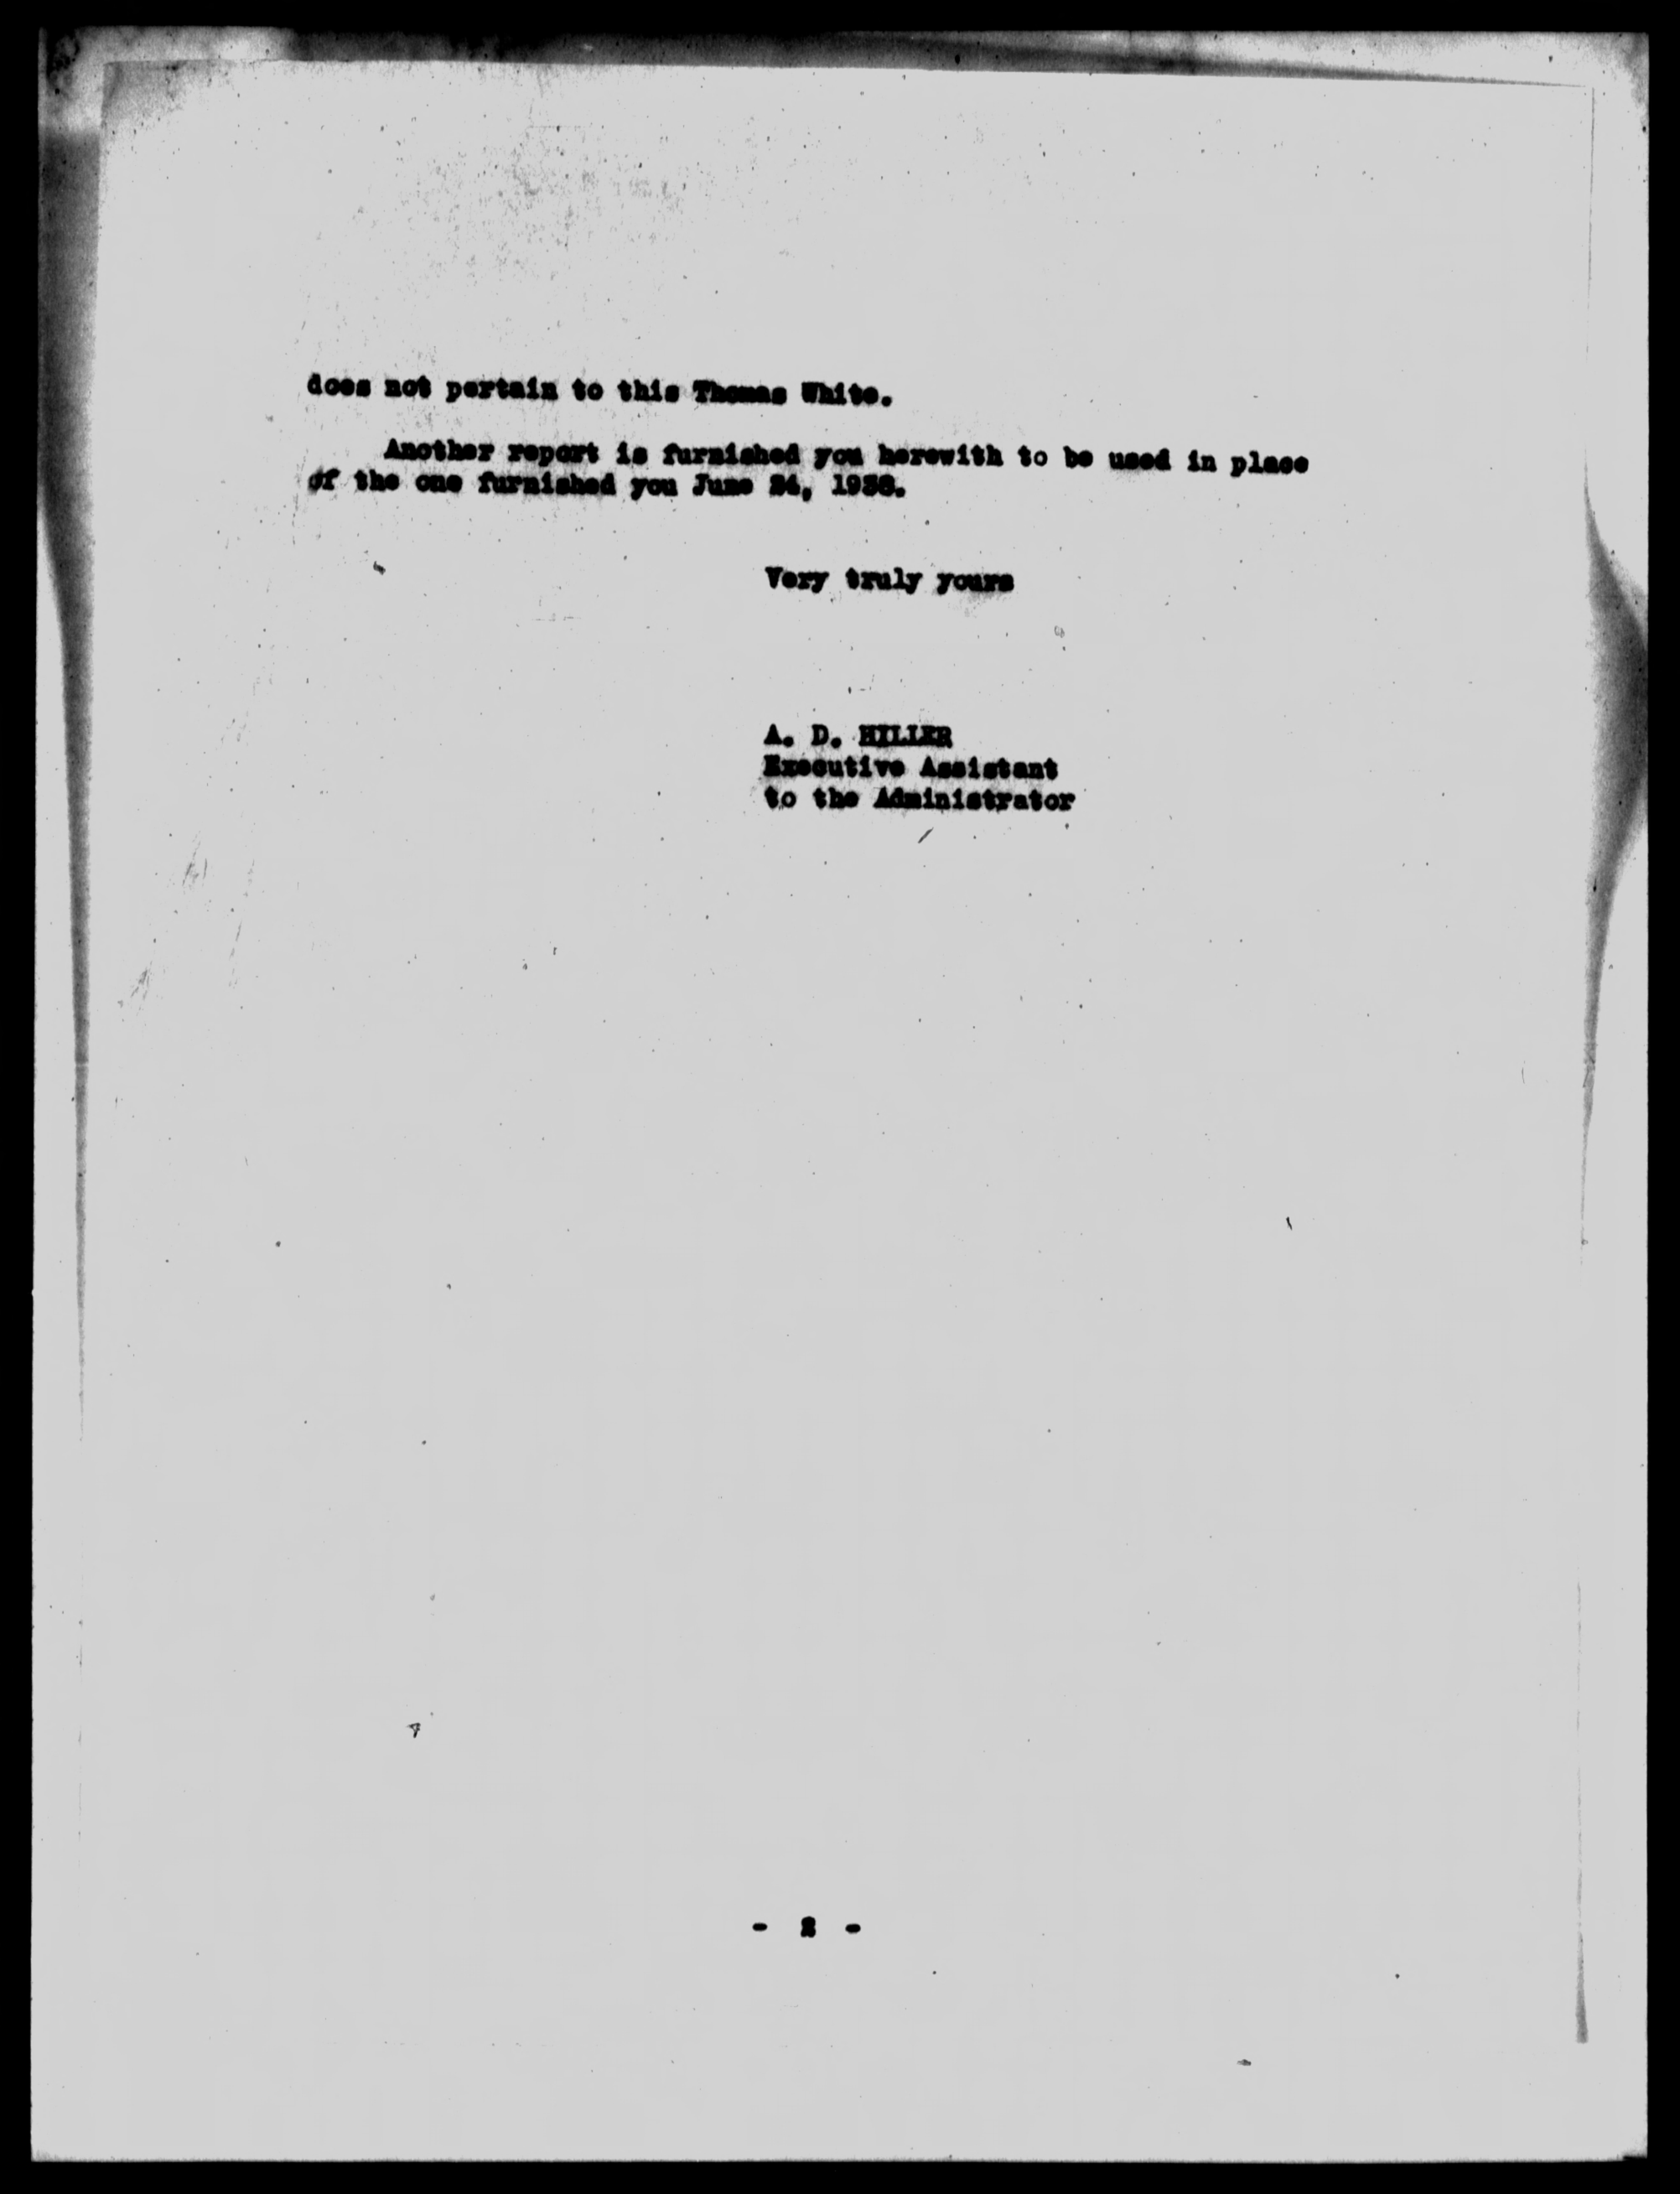does not pertain to this Thomas White.

Another report is furnished you herewith to be used in place 
of the one furnished you June 24, 1938.

Very truly yours

A. D. HILLER
Executive Assistant 
to the Administrator

- 2 -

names: Thomas White, A D Hiller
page: 27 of 43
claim: survivor's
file: S. 15240, Thomas White, Md.